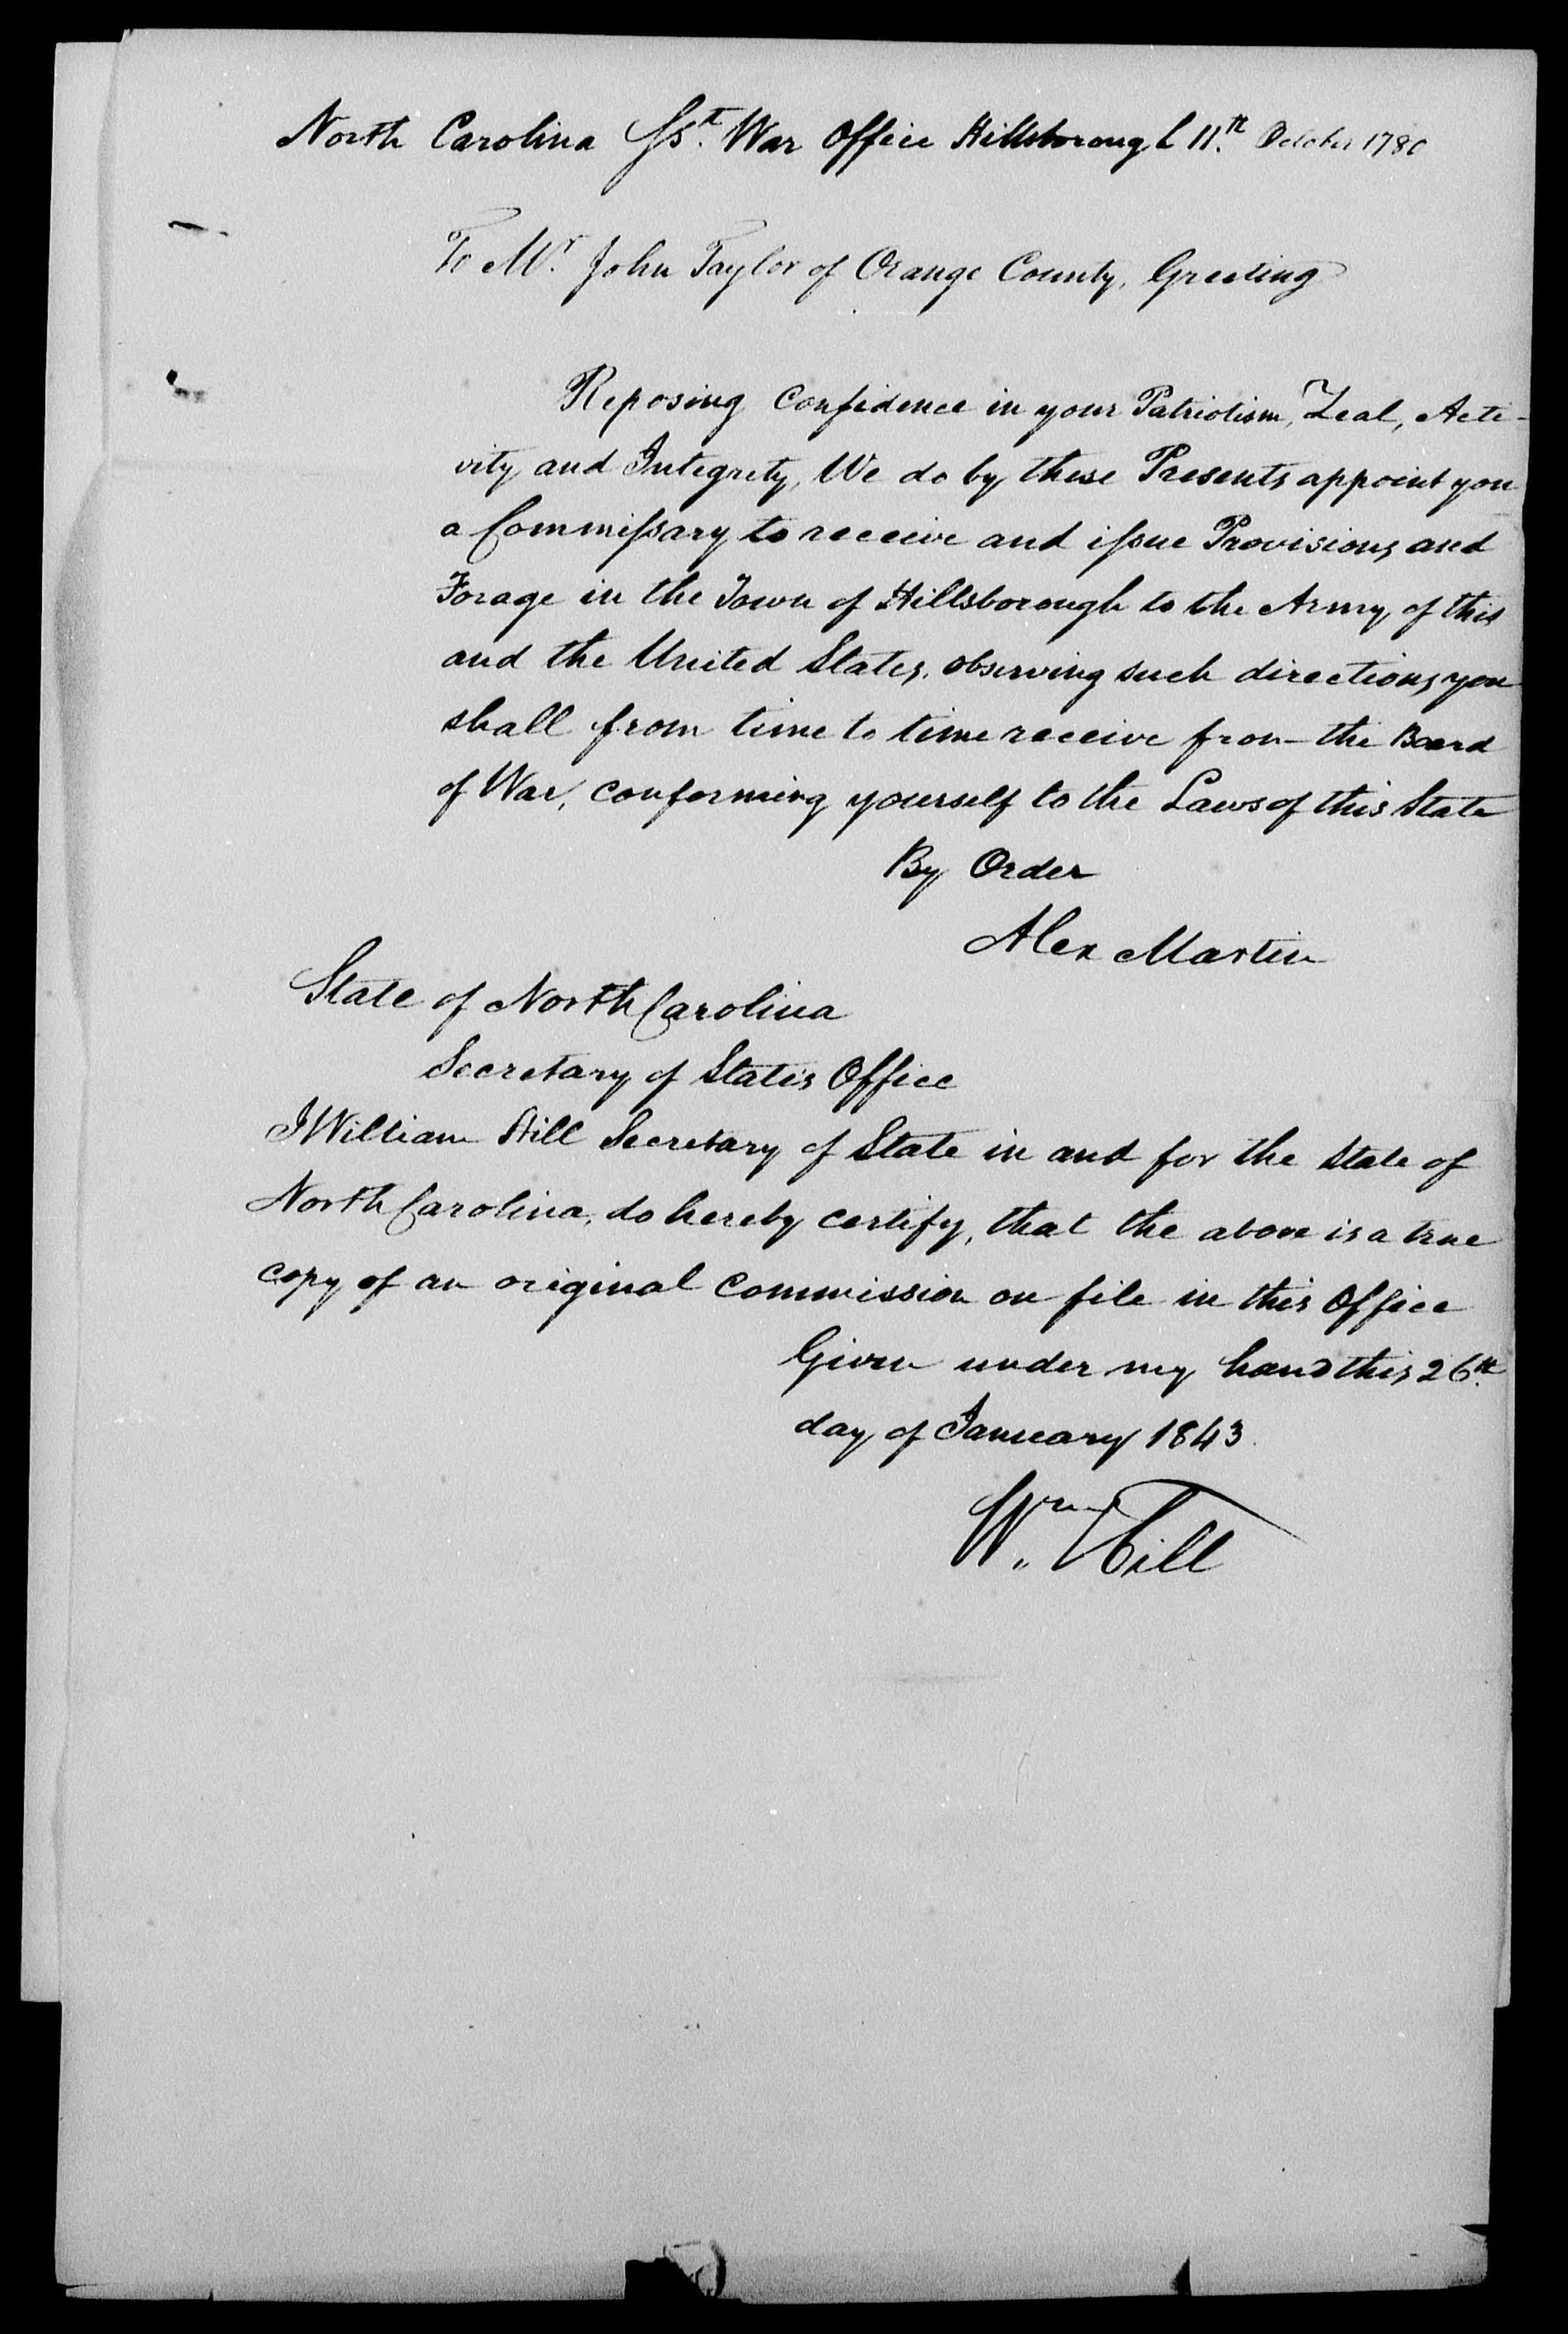[Handwritten document]

North Carolina [illegible, possibly meaning Ast. for Assistant, or 1st for First.] War Office Hillsborough 11th. October 1780

To Mr. John Taylor of Orange County, Greeting

Reposing Confidence in your Patriotism, Zeal, Activity and Integrity, We do by these Presents appoint you a Commissary to receive and issue Provisions and Forage in the Town of Hillsborough to the Army of this and the United States, observing such directions you shall from time to time receive from the Board of War, conforming yourself to the Laws of this State

By Order
Alex Martin


State of North Carolina
Secretary of State's Office

I William Hill Secretary of State in and for the State of North Carolina, do hereby certify, that the above is a true copy of an original Commission on file in this Office

Given under my hand this 26th day of January 1843
Wm. [William] Hill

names: Alex Martin, William Hill, Wm Hill, John Taylor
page: 120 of 145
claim: survivor's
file: S. 8265, William Cumming, N.C.